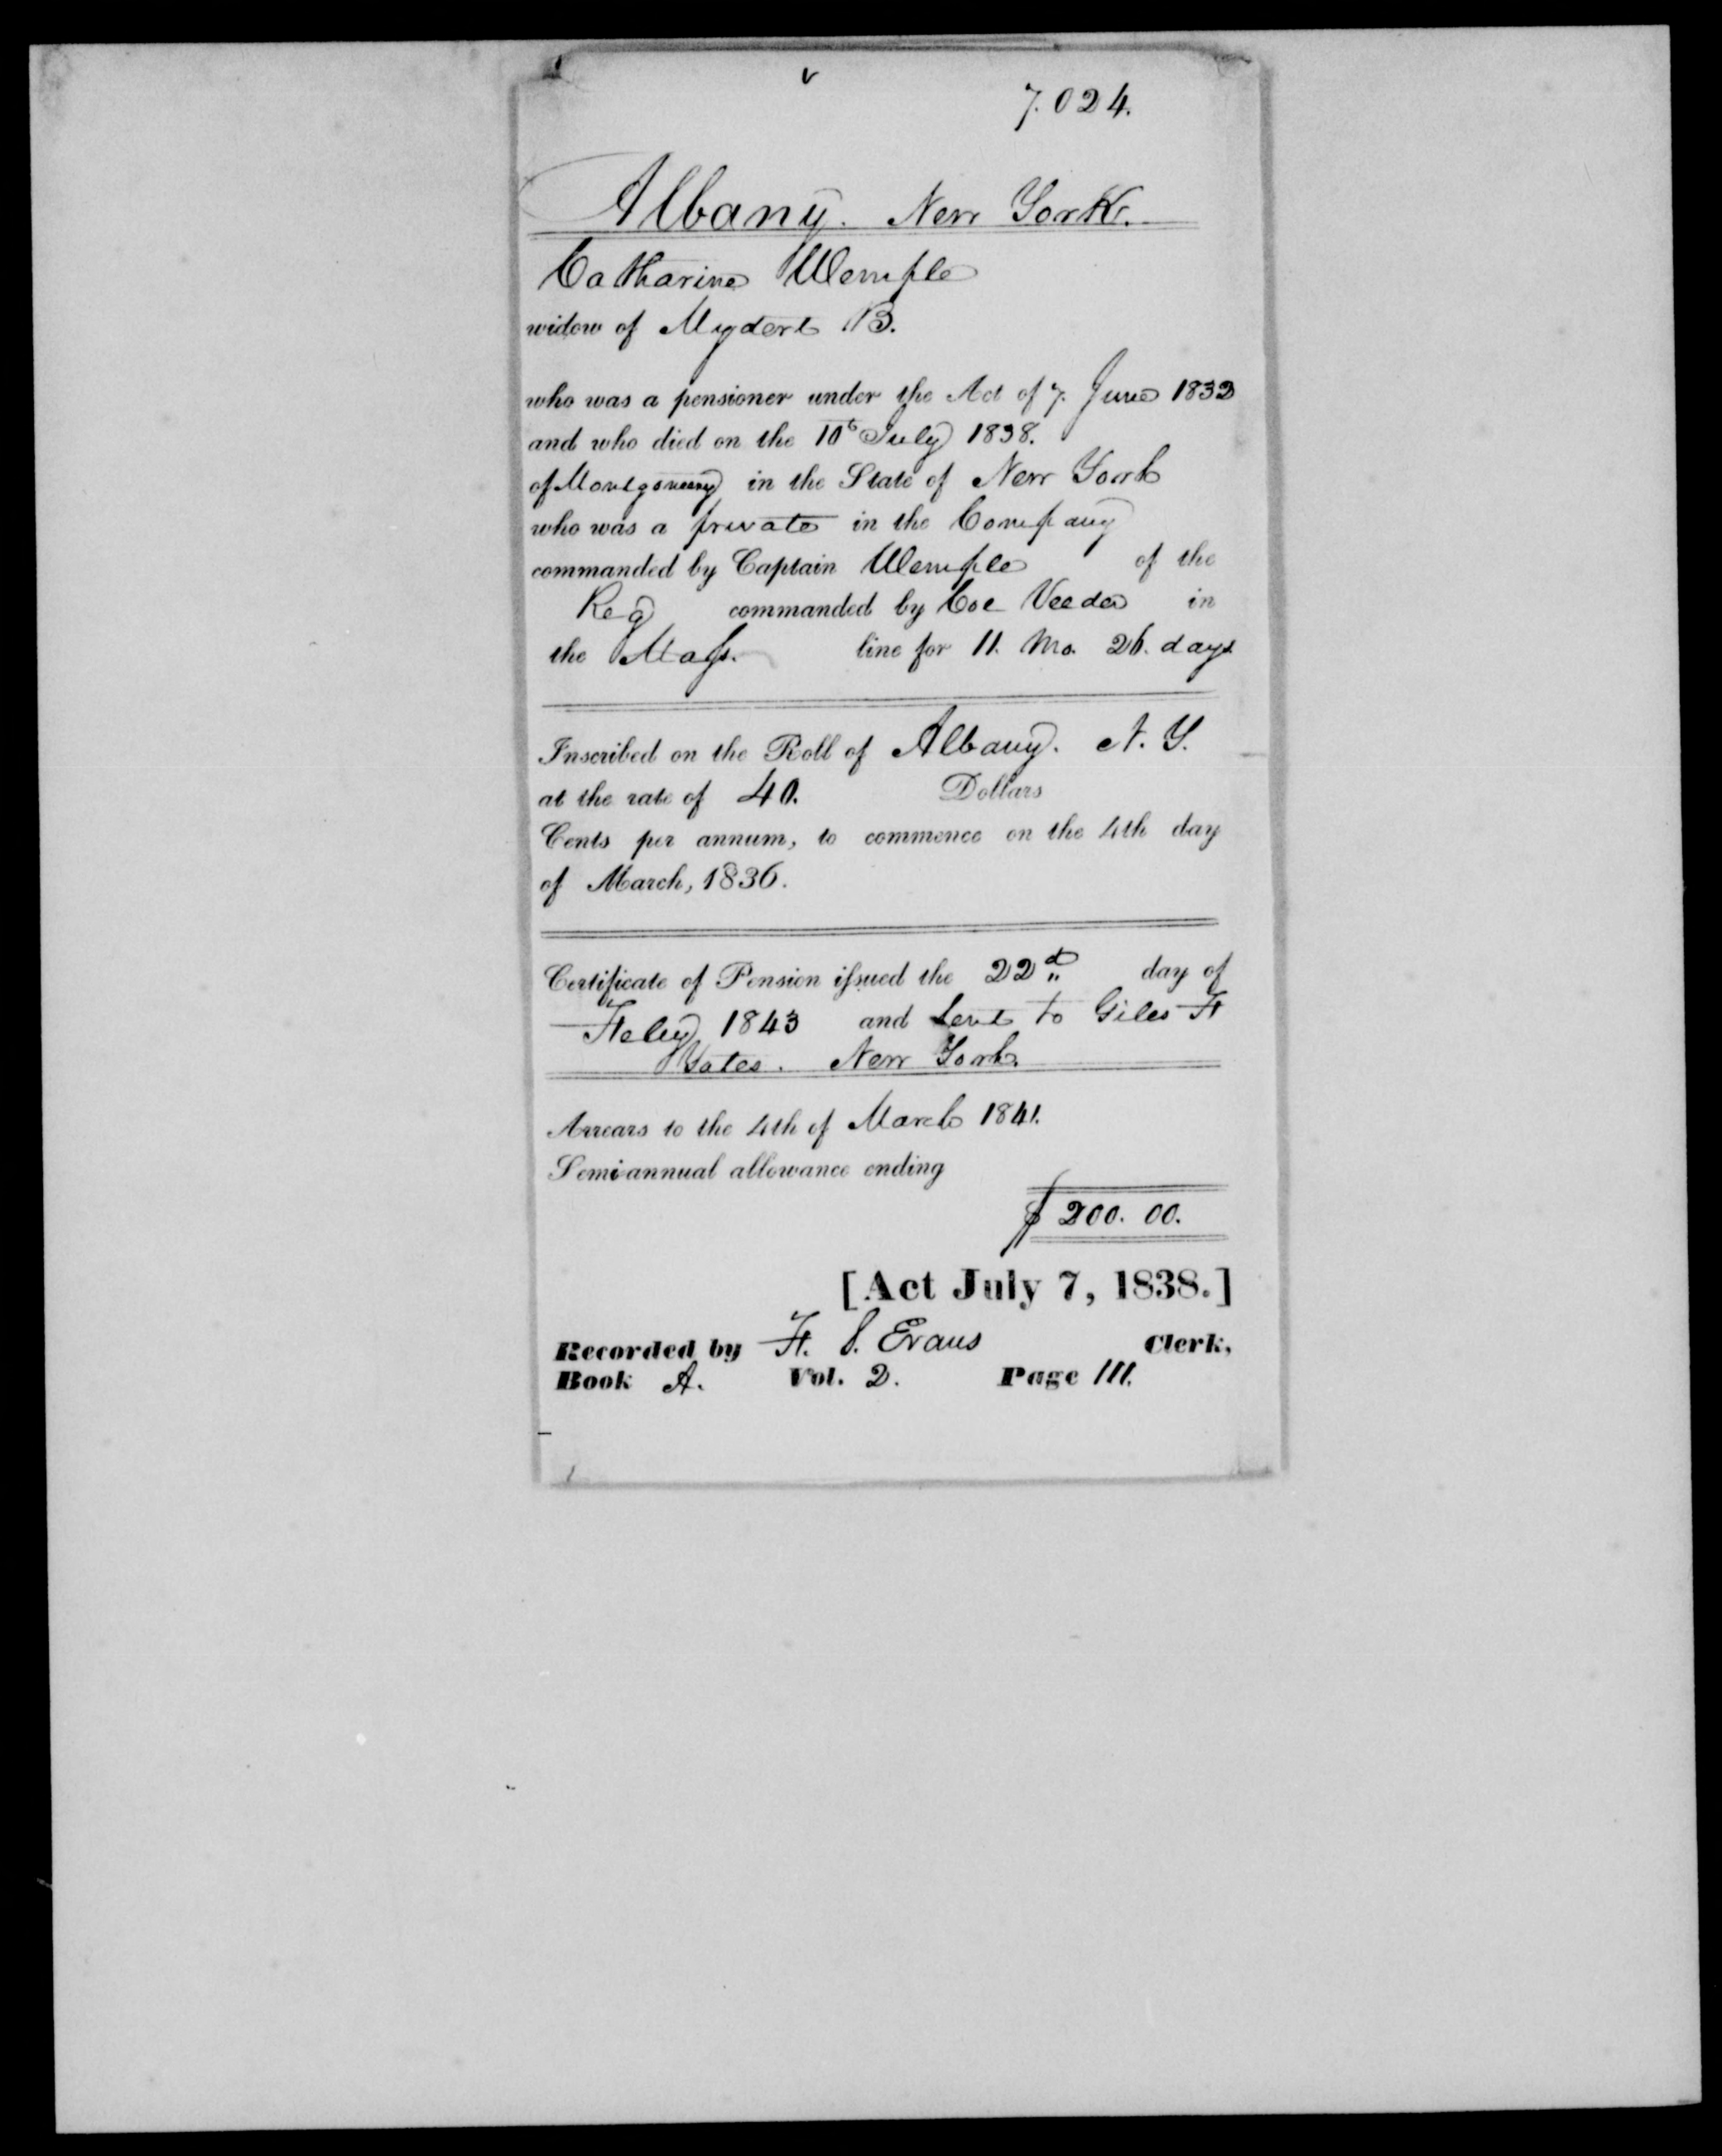7.024
Albany, New York
Catharine Wemple
widow of Mydert(Myndert) B.
who was a pensioner under the Act of 7 June 1832
and who died on the 10th July 1838.
of Montgomery in the State of New York
who was a private in the Company
commanded by Captain Wemple  of the
Reg  commanded by Col Veeder in
the Mass.
line for 11. Mo. 26 days

Inscribed on the Roll of Albany, N.Y.
at the rate of 40 Dollars
Cents per annum, to commence on the 4th day
of March, 1836.

Certificate of Pension issued the 22d
day of
Feby 1843 and sent to Giles F
Yates.  New York.

Arrears to the 4th of March 1841
Semiannual allowance ending
====
$200.00
====
[Act July 7, 1838.]
Recorded by  F.S. Evans   Clerk,
Book A.   Vol. 2   Page 111.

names: F S Evans, Catharine Wemple, Wemple, Giles F Yates, Mydert B Wemple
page: 39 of 51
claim: widow's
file: W. 19604, Myndert B Wemple, New York